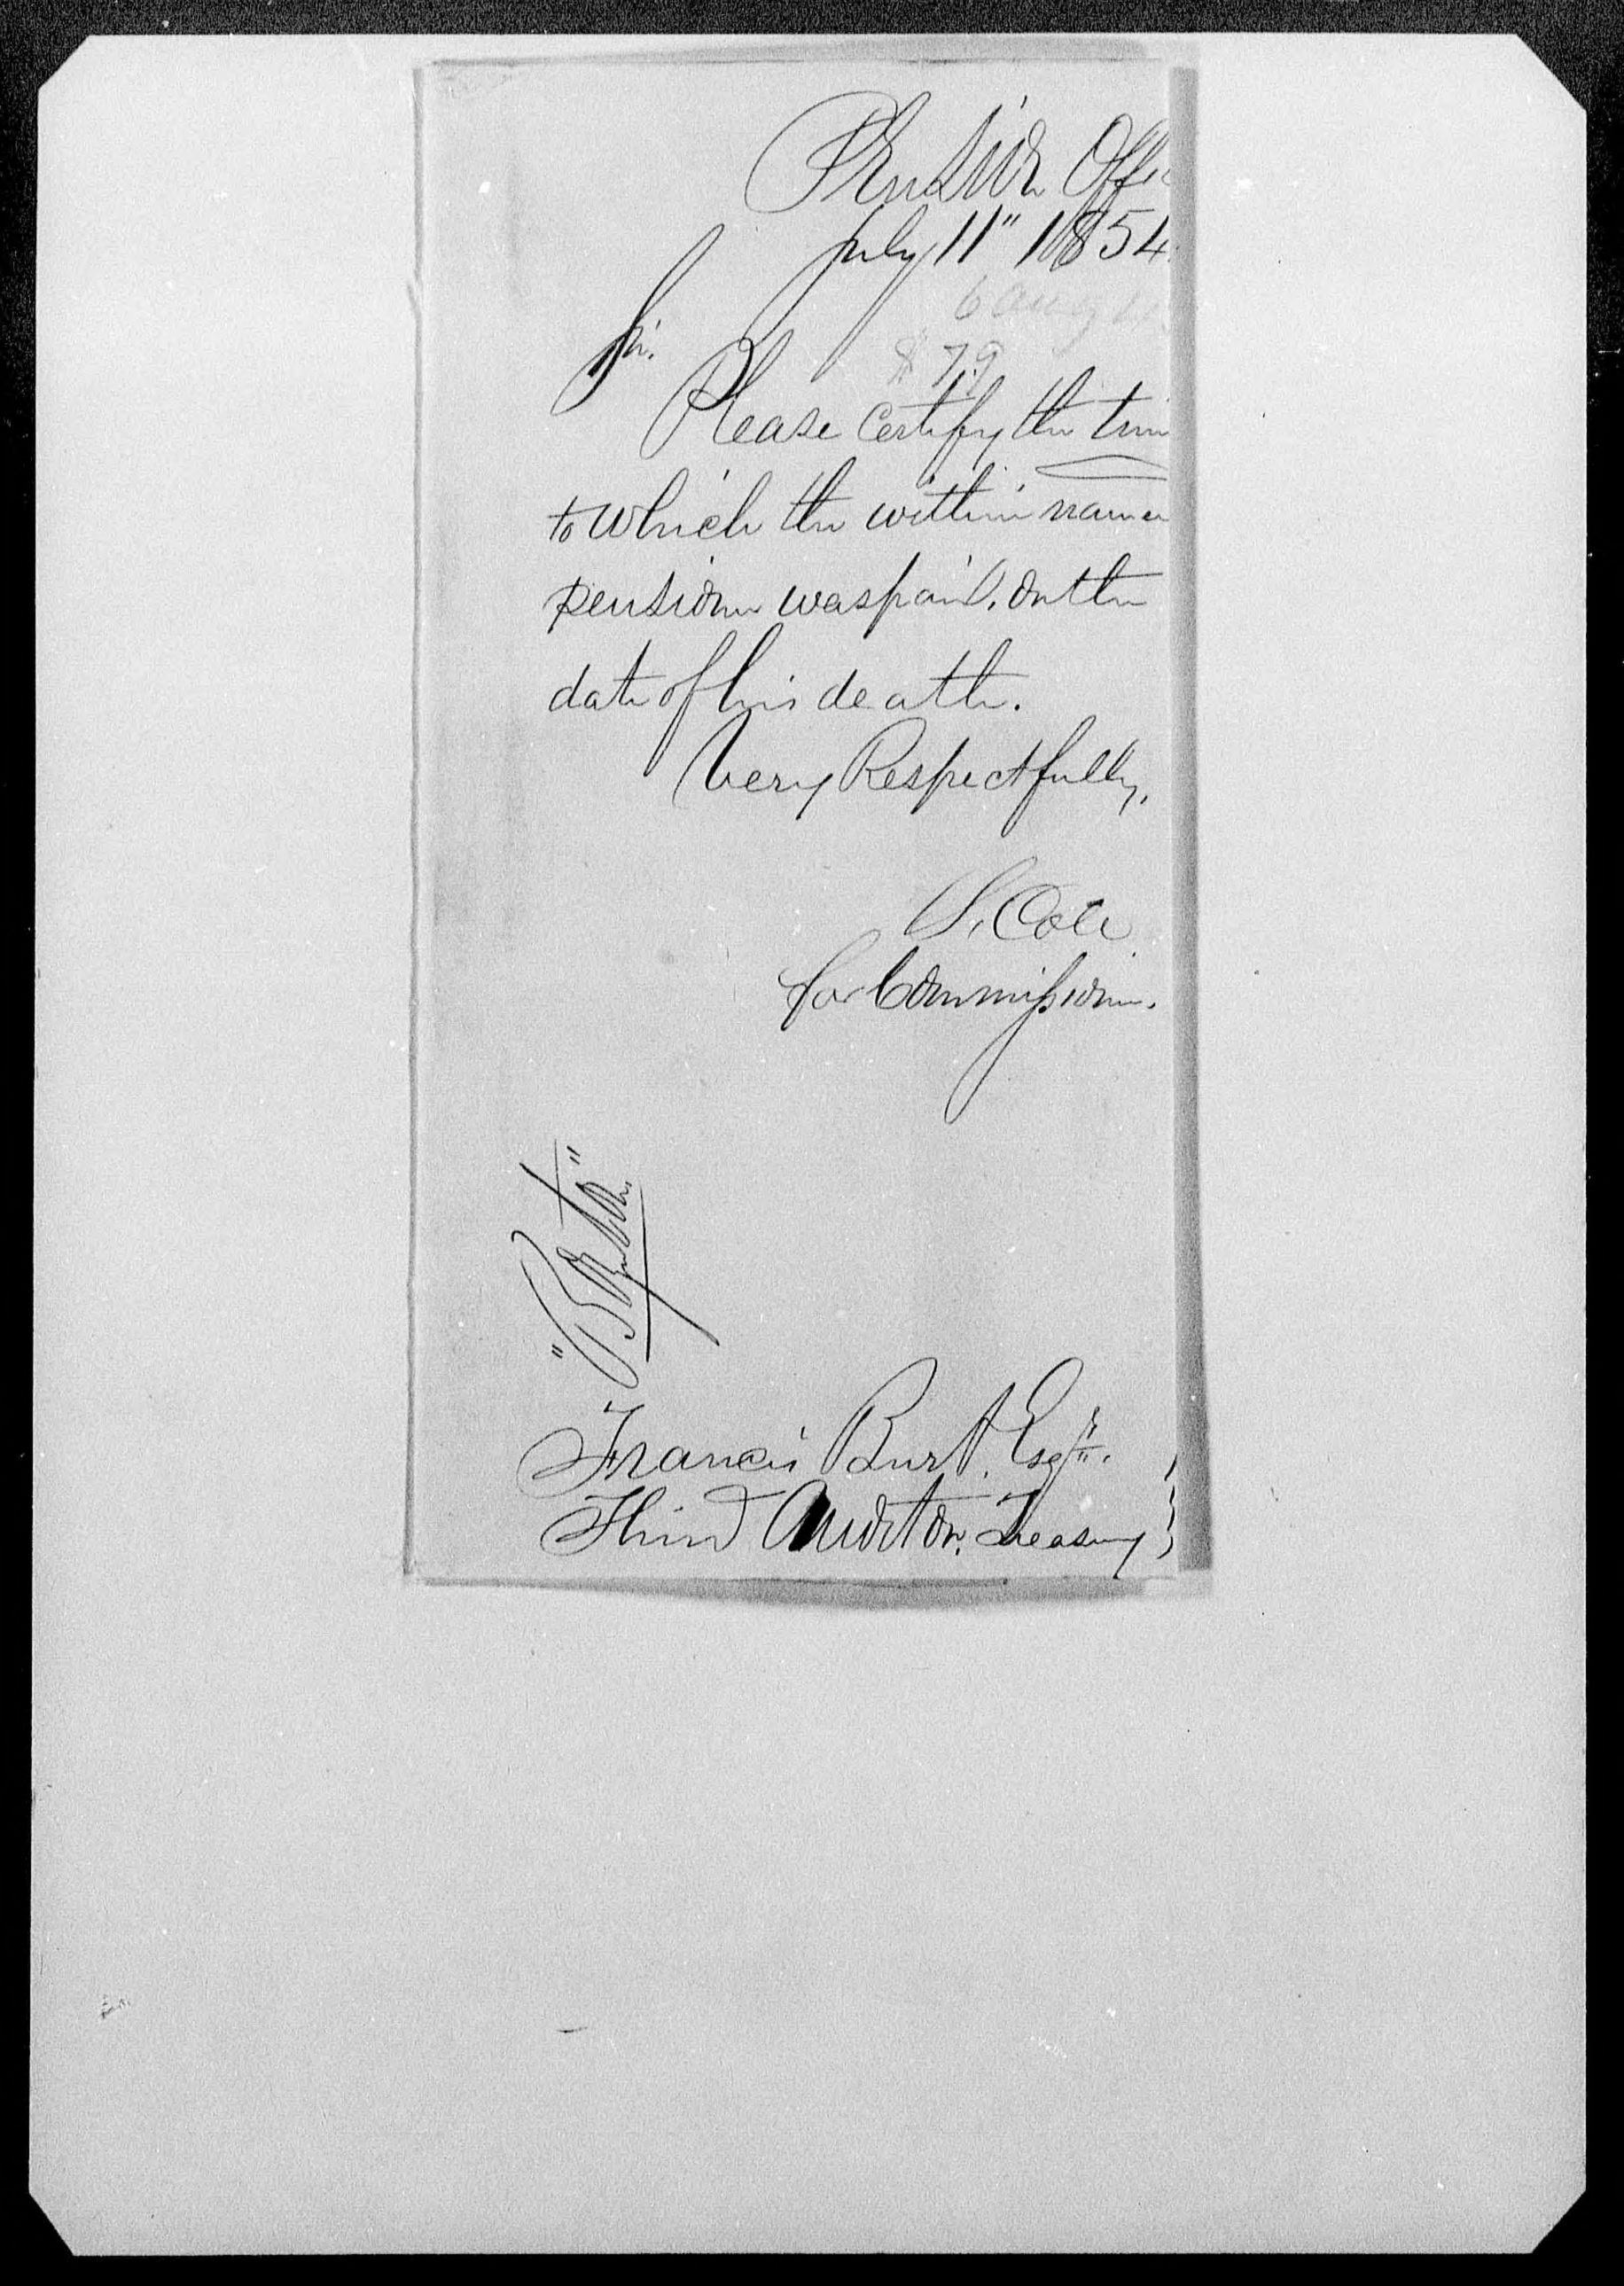Pension Office
July 11" 1854. 
[Faintly in pencil: "6 Aug 43 $79"]

Sir:
Please certify the time to which the within named pensioner was paid, or the date of his death. 
Very Respectfully
S. Cole 
for Commissioner 


Francis Burt Esqr }
Third Auditor Treasury}

Crosswise:
"Boynton"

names: Francis Burt, S Cole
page: 35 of 47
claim: widow's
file: W. 10,602, Barce Chard, New York.